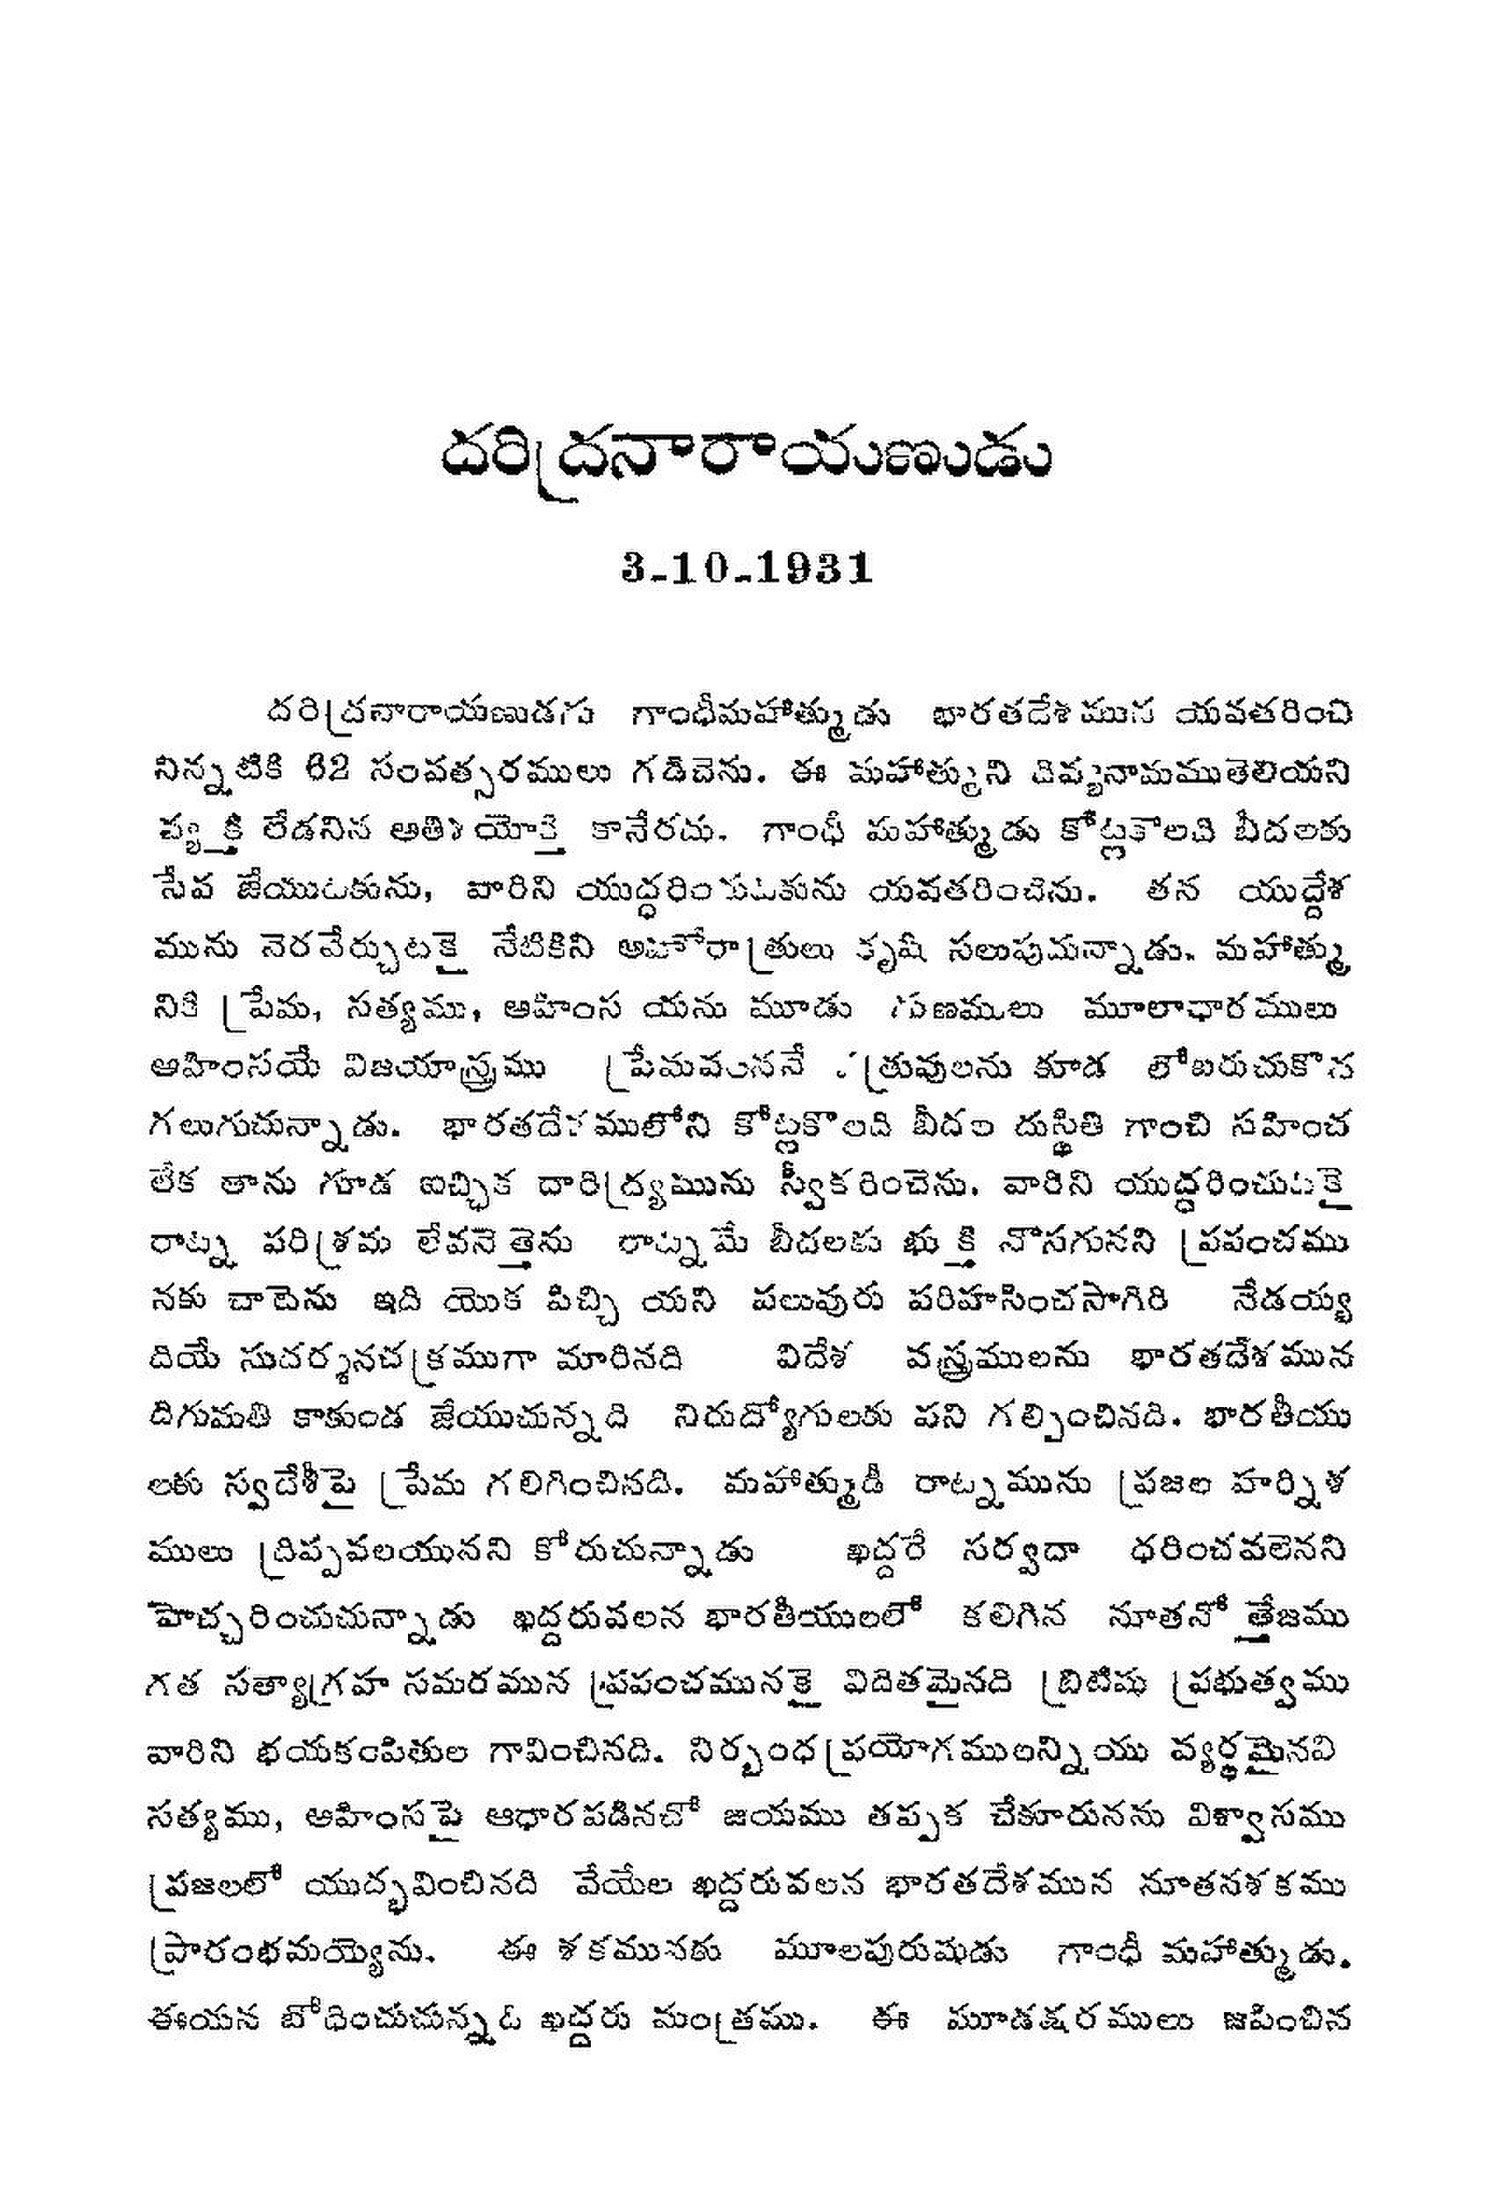దరిద్రనారాయణుడు

3 - 10 - 1931

దరిద్రనారాయణుడగు గాంధీమహాత్ముడు భారతదేశమున యవతరించి నిన్నటికి 62 సంవత్సరములు గడిచెను. ఈ మహాత్ముని దివ్యనామముతెలియని వ్యక్తి లేడనిన అతిశయోక్తి కానేరదు. గాంధీ మహాత్ముడు కోట్లకొలది బీదలకు సేవ జేయుటకును, వారిని యుద్ధరించుటకును యవతరించెను. తన యుద్దేశమును నెరవేర్చుటకై నేటికిని అహోరాత్రులు కృషి సలుపుచున్నాడు. మహాత్మునికి ప్రేమ, సత్యము, అహింస యను మూడు గుణములు మూలాధారములు అహింసయే విజయాస్త్రము ప్రేమవలననే శత్రువులను కూడ లోబరుచుకొన గలుగుచున్నాడు. భారతదేశములోని కోట్లకొలది బీదల దుస్థితి గాంచి సహించ లేక తాను గూడ ఐచ్చిక దారిద్ర్యమును స్వీకరించెను. వారిని యుద్ధరించుటకై రాట్న పరిశ్రమ లేవనెత్తెను రాట్నమే బీదలకు భుక్తి నొసగునని ప్రపంచమునకు చాటెను ఇది యొక పిచ్చి యని పలువురు పరిహసించసాగిరి నేడయ్యదియే సుదర్శనచక్రముగా మారినది విదేశ వస్త్రములను భారతదేశమున దిగుమతి కాకుండ జేయుచున్నది నిరుద్యోగులకు పని గల్పించినది. భారతీయులకు స్వదేశీపై ప్రేమ గలిగించినది. మహాత్ముడి రాట్నమును ప్రజల హర్నిశములు ద్రిప్పవలయునని కోరుచున్నాడు ఖద్దరే సర్వదా ధరించవలెనని హెచ్చరించుచున్నాడు ఖద్దరువలన భారతీయులలో కలిగిన నూతనోత్తేజము గత సత్యాగ్రహ సమరమున ప్రపంచమునకై విదితమైనది బ్రిటిషు ప్రభుత్వము వారిని భయకంపితుల గావించినది. నిర్బంధప్రయోగములన్నియు వ్యర్థమైనవి సత్యము, అహింసపై ఆధారపడినచో జయము తప్పక చేకూరునను విశ్వాసము ప్రజలలో యుద్భవించినది వేయేల ఖద్దరువలన భారతదేశమున నూతనశకము ప్రారంభమయ్యెను. ఈ శకమునకు మూలపురుషుడు గాంధీ మహాత్ముడు. ఈయన బోధించుచున్నది ఖద్దరు మంత్రము. ఈ మూడక్షరములు జపించిన